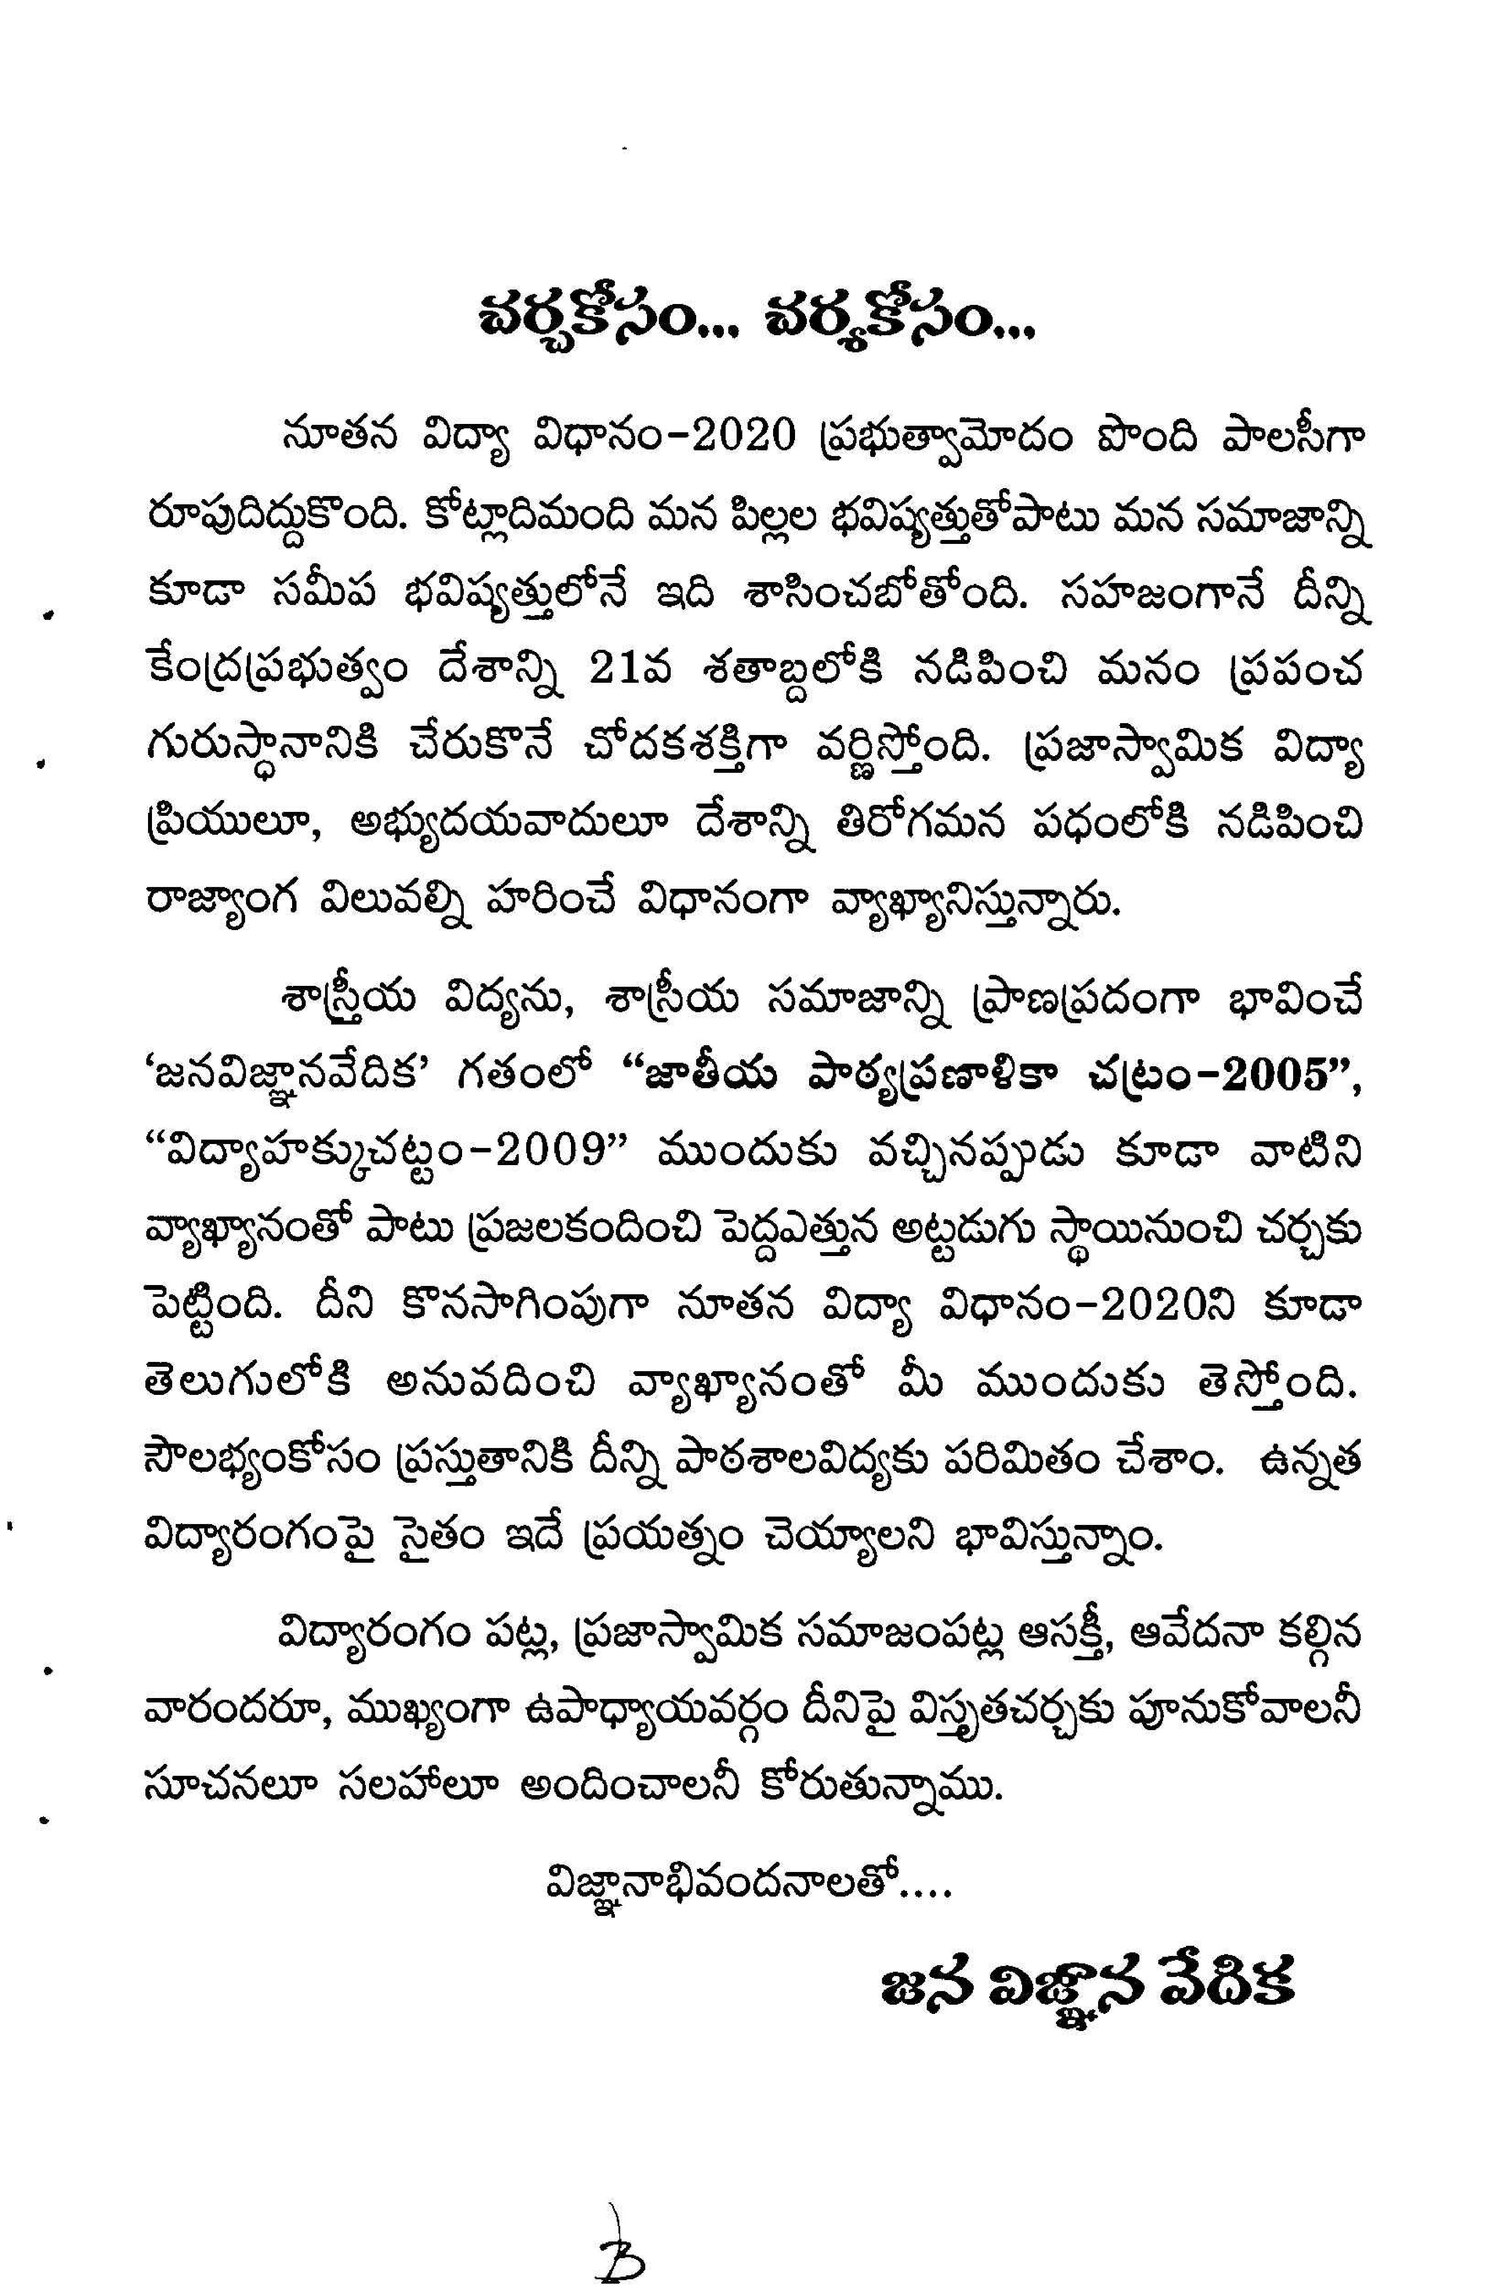నూతన విద్యా విధానం-2020 ప్రభుత్వామోదం పొంది పాలసీగా
రూపుదిద్దుకుంది. కోట్లాదిమంది మన పిల్లల భవిష్యత్తుతోపాటు మన సమాజాన్ని
కూడా సమీప భవిష్యత్తులోనే ఇది శాసించబోతోంది. సహజంగానే దీన్ని
కేంద్రప్రభుత్వం దేశాన్ని 21వ శతాబ్దలోకి నడిపించి మనం ప్రపంచ
గురుస్థానానికి చేరుకునే చోదకశక్తిగా వర్ణిస్తోంది. ప్రజాస్వామిక విద్యా
ప్రియులూ, అభ్యుదయవాదులూ దేశాన్ని తిరోగమన పథంలోకి నడిపించి
రాజ్యాంగ విలువల్ని హరించే విధానంగా వ్యాఖ్యానిస్తున్నారు.
శాస్త్రీయ విద్యను, శాస్త్రీయ సమాజాన్ని ప్రాణప్రదంగా భావించే
'జనవిజ్ఞానవేదిక' గతంలో “జాతీయ పాఠ్యప్రణాళికా చట్రం - 2005",
“విద్యా హక్కు చట్టం-2009” ముందుకు వచ్చినప్పుడు కూడా వాటిని
వ్యాఖ్యానంతో పాటు ప్రజలకందించి పెద్దఎత్తున అట్టడుగు స్థాయినుంచి చర్చకు
పెట్టింది. దీని కొనసాగింపుగా నూతన విద్యా విధానం -2020ని కూడా
తెలుగులోకి అనువదించి వ్యాఖ్యానంతో మీ ముందుకు తెస్తోంది.
సౌలభ్యంకోసం ప్రస్తుతానికి దీన్ని పాఠశాలవిద్యకు పరిమితం చేశాం. ఉన్నత
విద్యారంగంపై సైతం ఇదే ప్రయత్నం చెయ్యాలని భావిస్తున్నాం.
విద్యారంగం పట్ల, ప్రజాస్వామిక సమాజంపట్ల ఆసక్తి, ఆవేదనా కల్గిన
వారందరూ, ముఖ్యంగా ఉపాధ్యాయవర్గం దీనిపై విస్తృతచర్చకు పూనుకోవాలనీ
సూచనలూ సలహాలు అందించాలనీ కోరుతున్నాము.
విజ్ఞానాభివందనాలతో…
జన విజ్ఞాన వేదిక